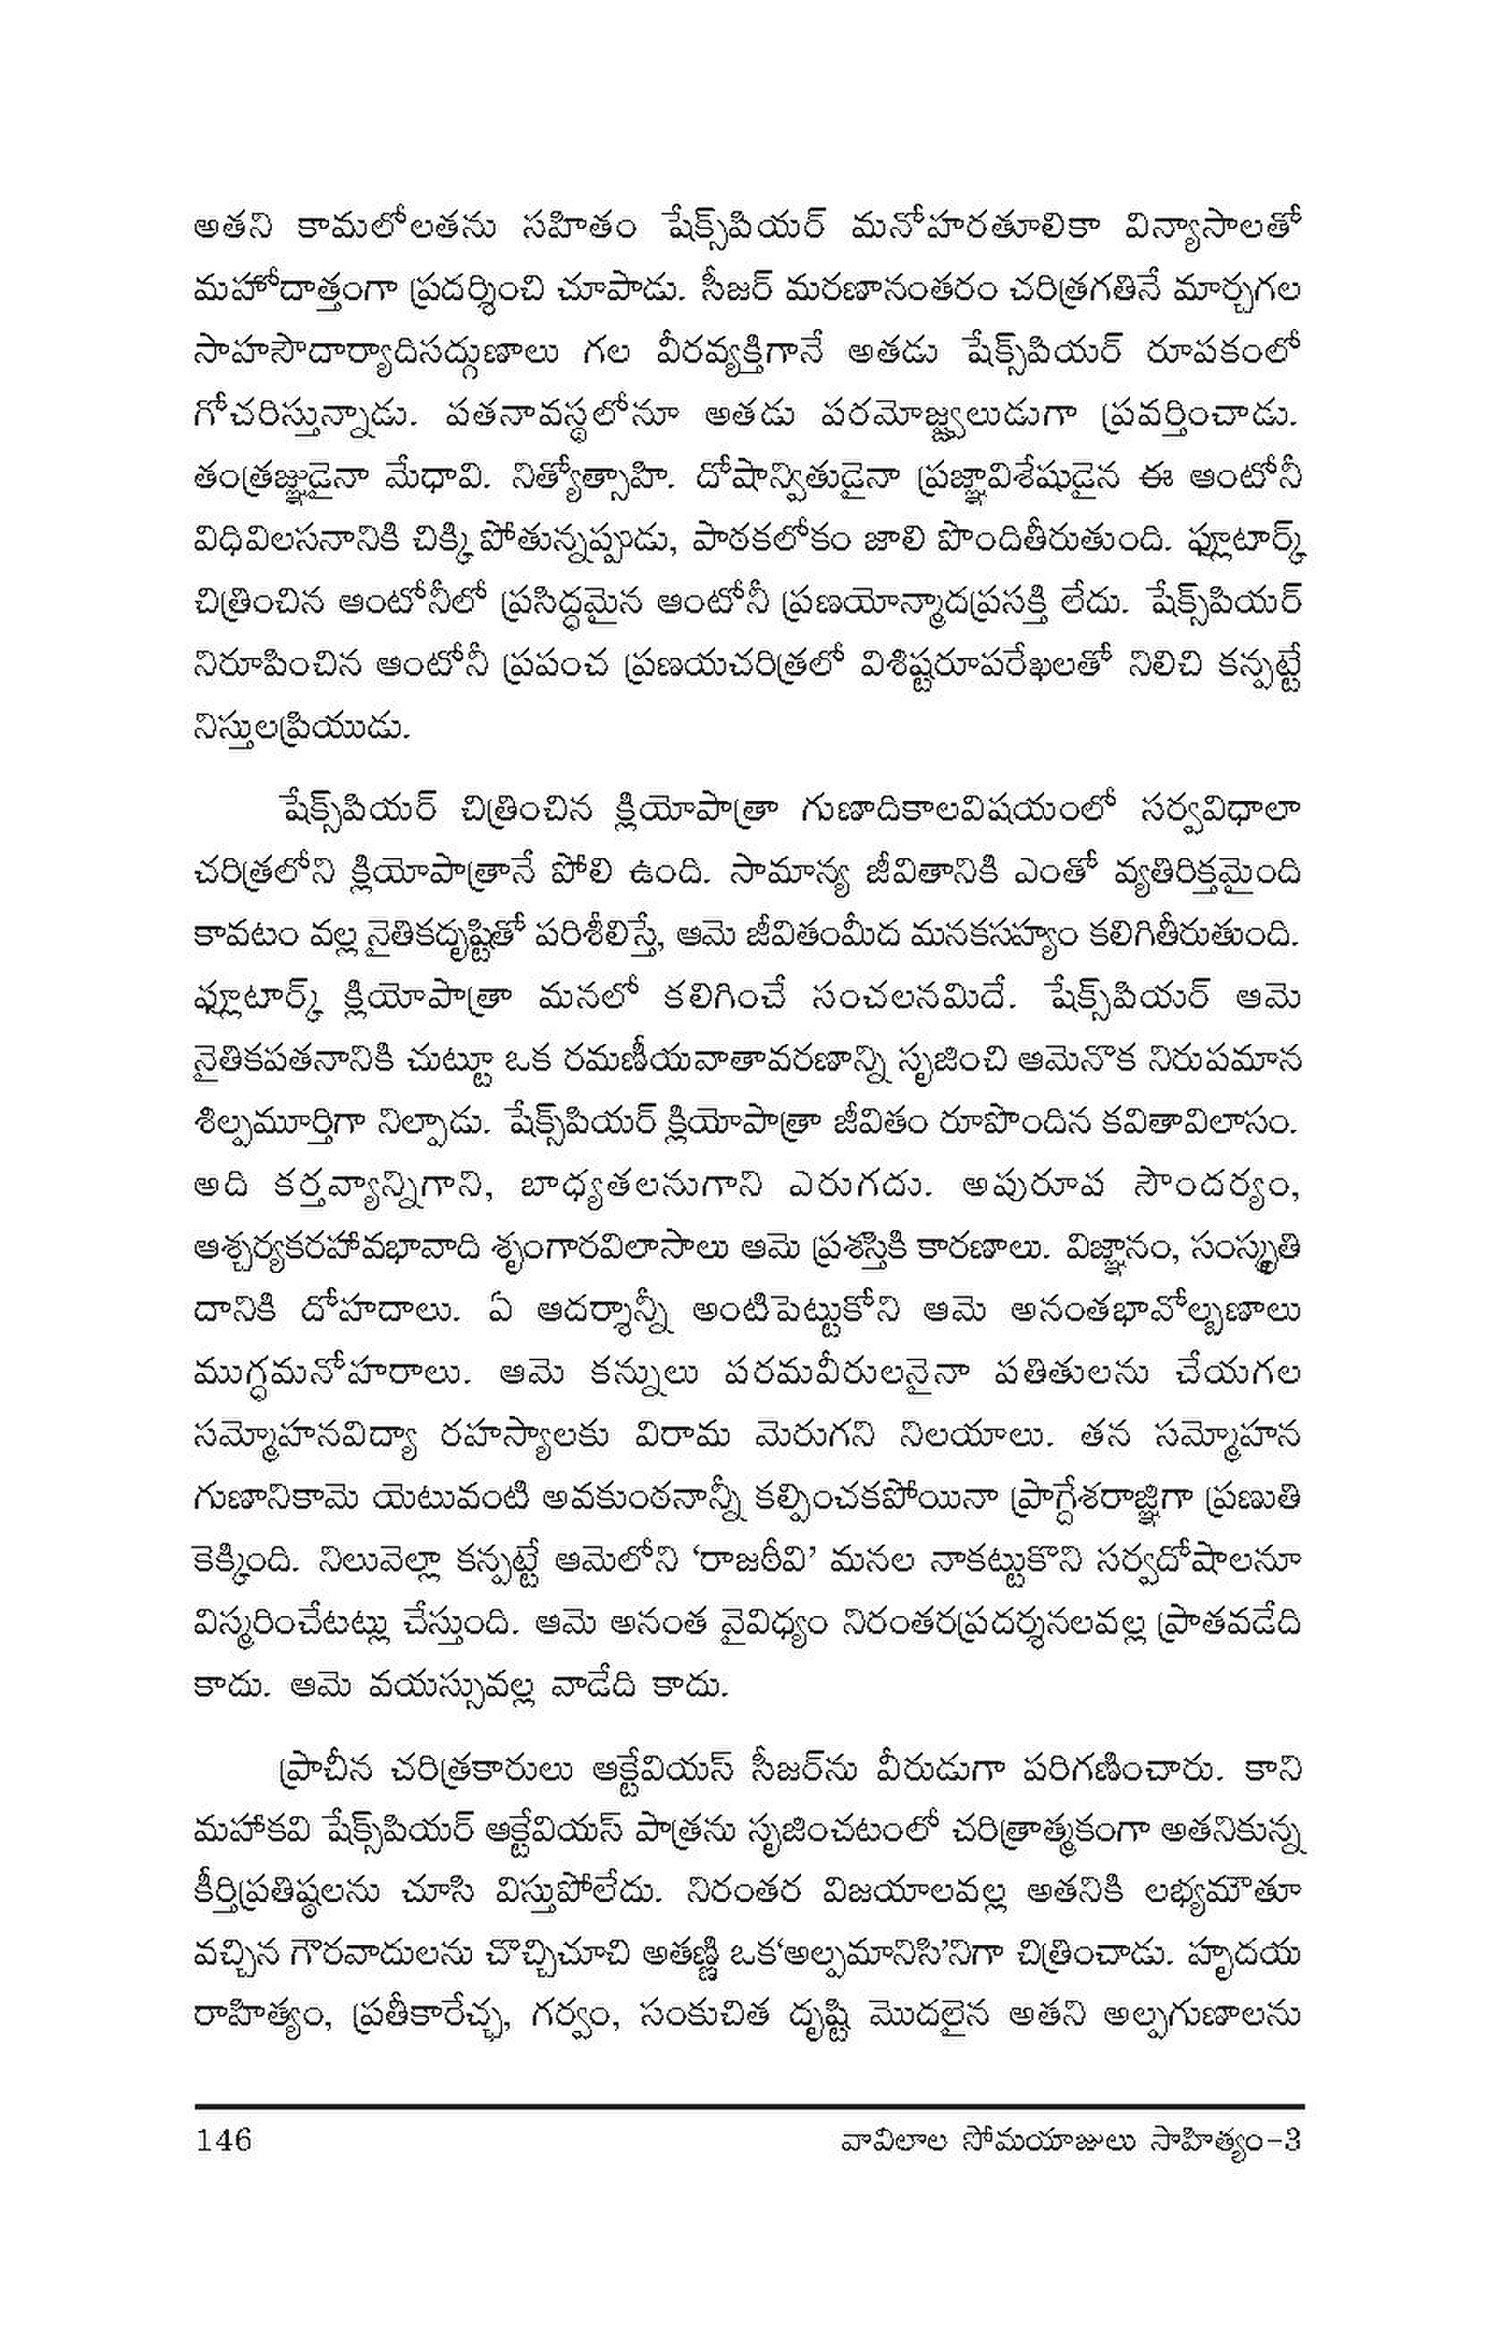అతని కామలోలతను సహితం షేక్స్ పియర్ మనోహరుతూలికా విన్యాసాలతో మహోదాత్తంగా ప్రదర్శించి చూపాడు. సీజర్ మరణానంతరం చరిత్రగతినే మార్చగల సాహసౌదార్యాదిసద్గుణాలు గల వీరవ్యక్తిగానే అతడు షేక్స్ పియర్ రూపకంలో
గోచరిస్తున్నాడు. పతనావస్థలోనూ అతడు పరమోజ్జ్వలుడుగా ప్రవర్తించాడు. తంత్రజ్ఞుడైనా మేధావి. నిత్యోత్సాహి దోషాన్వితుడైనా ప్రజ్ఞావిశేషుడైన ఈ ఆంటోనీ విధివిలసనానికి చిక్కి పోతున్నప్పుడు, పాఠకలోకం జాలి పొందితీరుతుంది. ప్లూటార్క్చి త్రించిన ఆంటోనీలో ప్రసిద్ధమైన ఆంటోనీ ప్రణయోన్మాదప్రసక్తి లేదు. షేక్స్ పియర్ రూపించిన ఆంటోనీ ప్రపంచ ప్రణయచరిత్రలో విశిష్టరూపరేఖలతో నిలిచి కన్పట్టే నిస్తులప్రియుడు.

షేక్స్ పియర్ చిత్రించిన క్లియోపాత్రా గుణాదికాల విషయంలో సర్వవిధాలా చరిత్రలోని క్లియోపాత్రానే పోలి ఉంది. సామాన్య జీవితానికి ఎంతో వ్యతిరిక్తమైంది. కావటం వల్ల నైతికదృష్టితో పరిశీలిస్తే, ఆమె జీవితంమీద మనకసహ్యం కలిగితీరుతుంది.
ప్లూటార్క్ క్లియోపాత్రా మనలో కలిగించే సంచలనమిదే. షేక్స్ పియర్ ఆమె నైతికపతనానికి చుట్టూ ఒక రమణీయ వాతావరణాన్ని సృజించి ఆమెనొక నిరుపమాన శిల్పమూర్తిగా నిల్పాడు. షేక్స్ పియర్ క్లియోపాత్రా జీవితం రూపొందిన కవితావిలాసం. అది కర్తవ్యాన్నిగాని, బాధ్యతలనుగాని ఎరుగదు. అపురూప సౌందర్యం, ఆశ్చర్యకరహావభావాది శృంగార విలాసాలు ఆమె ప్రశస్తికి కారణాలు. విజ్ఞానం, సంస్కృతిదానికి దోహదాలు. ఏ ఆదర్శాన్నీ అంటిపెట్టుకోని ఆమె అనంత భావోల్బణాలు ముగ్ధమనోహరాలు. ఆమె కన్నులు పరమవీరులనైనా పతితులను చేయగల సమ్మోహనవిద్యా రహస్యాలకు విరామ మెరుగని నిలయాలు. తన సమ్మోహన గుణానికామె యెటువంటి అవకుంఠనాన్నీ కల్పించకపోయినా ప్రార్దేశరాజ్ఞిగా ప్రణుతి కెక్కింది. నిలువెల్లా కన్పట్టే ఆమెలోని 'రాజఠీవి' మనల నాకట్టుకొని సర్వదోషాలనూ విస్మరించేటట్లు చేస్తుంది. ఆమె అనంత వైవిధ్యం నిరంతరప్రదర్శనలవల్ల ప్రాతవడేది కాదు. ఆమె వయస్సువల్ల వాడేది కాదు.

ప్రాచీన చరిత్రకారులు ఆక్టేవియస్ సీజర్ను వీరుడుగా పరిగణించారు. కాని మహాకవి షేక్స్ పియర్ ఆక్టేవియస్ పాత్రను సృజించటంలో చరిత్రాత్మకంగా అతనికున్న కీర్తిప్రతిష్ఠలను చూసి విస్తుపోలేదు. నిరంతర విజయాలవల్ల అతనికి లభ్యమౌతూ వచ్చిన గౌరవాదులను చొచ్చిచూచి అతణ్ణి ఒక అల్పమానిసి’నిగా చిత్రించాడు. హృదయ రాహిత్యం, ప్రతీకారేచ్ఛ, గర్వం, సంకుచిత దృష్టి మొదలైన అతని అల్పగుణాలను